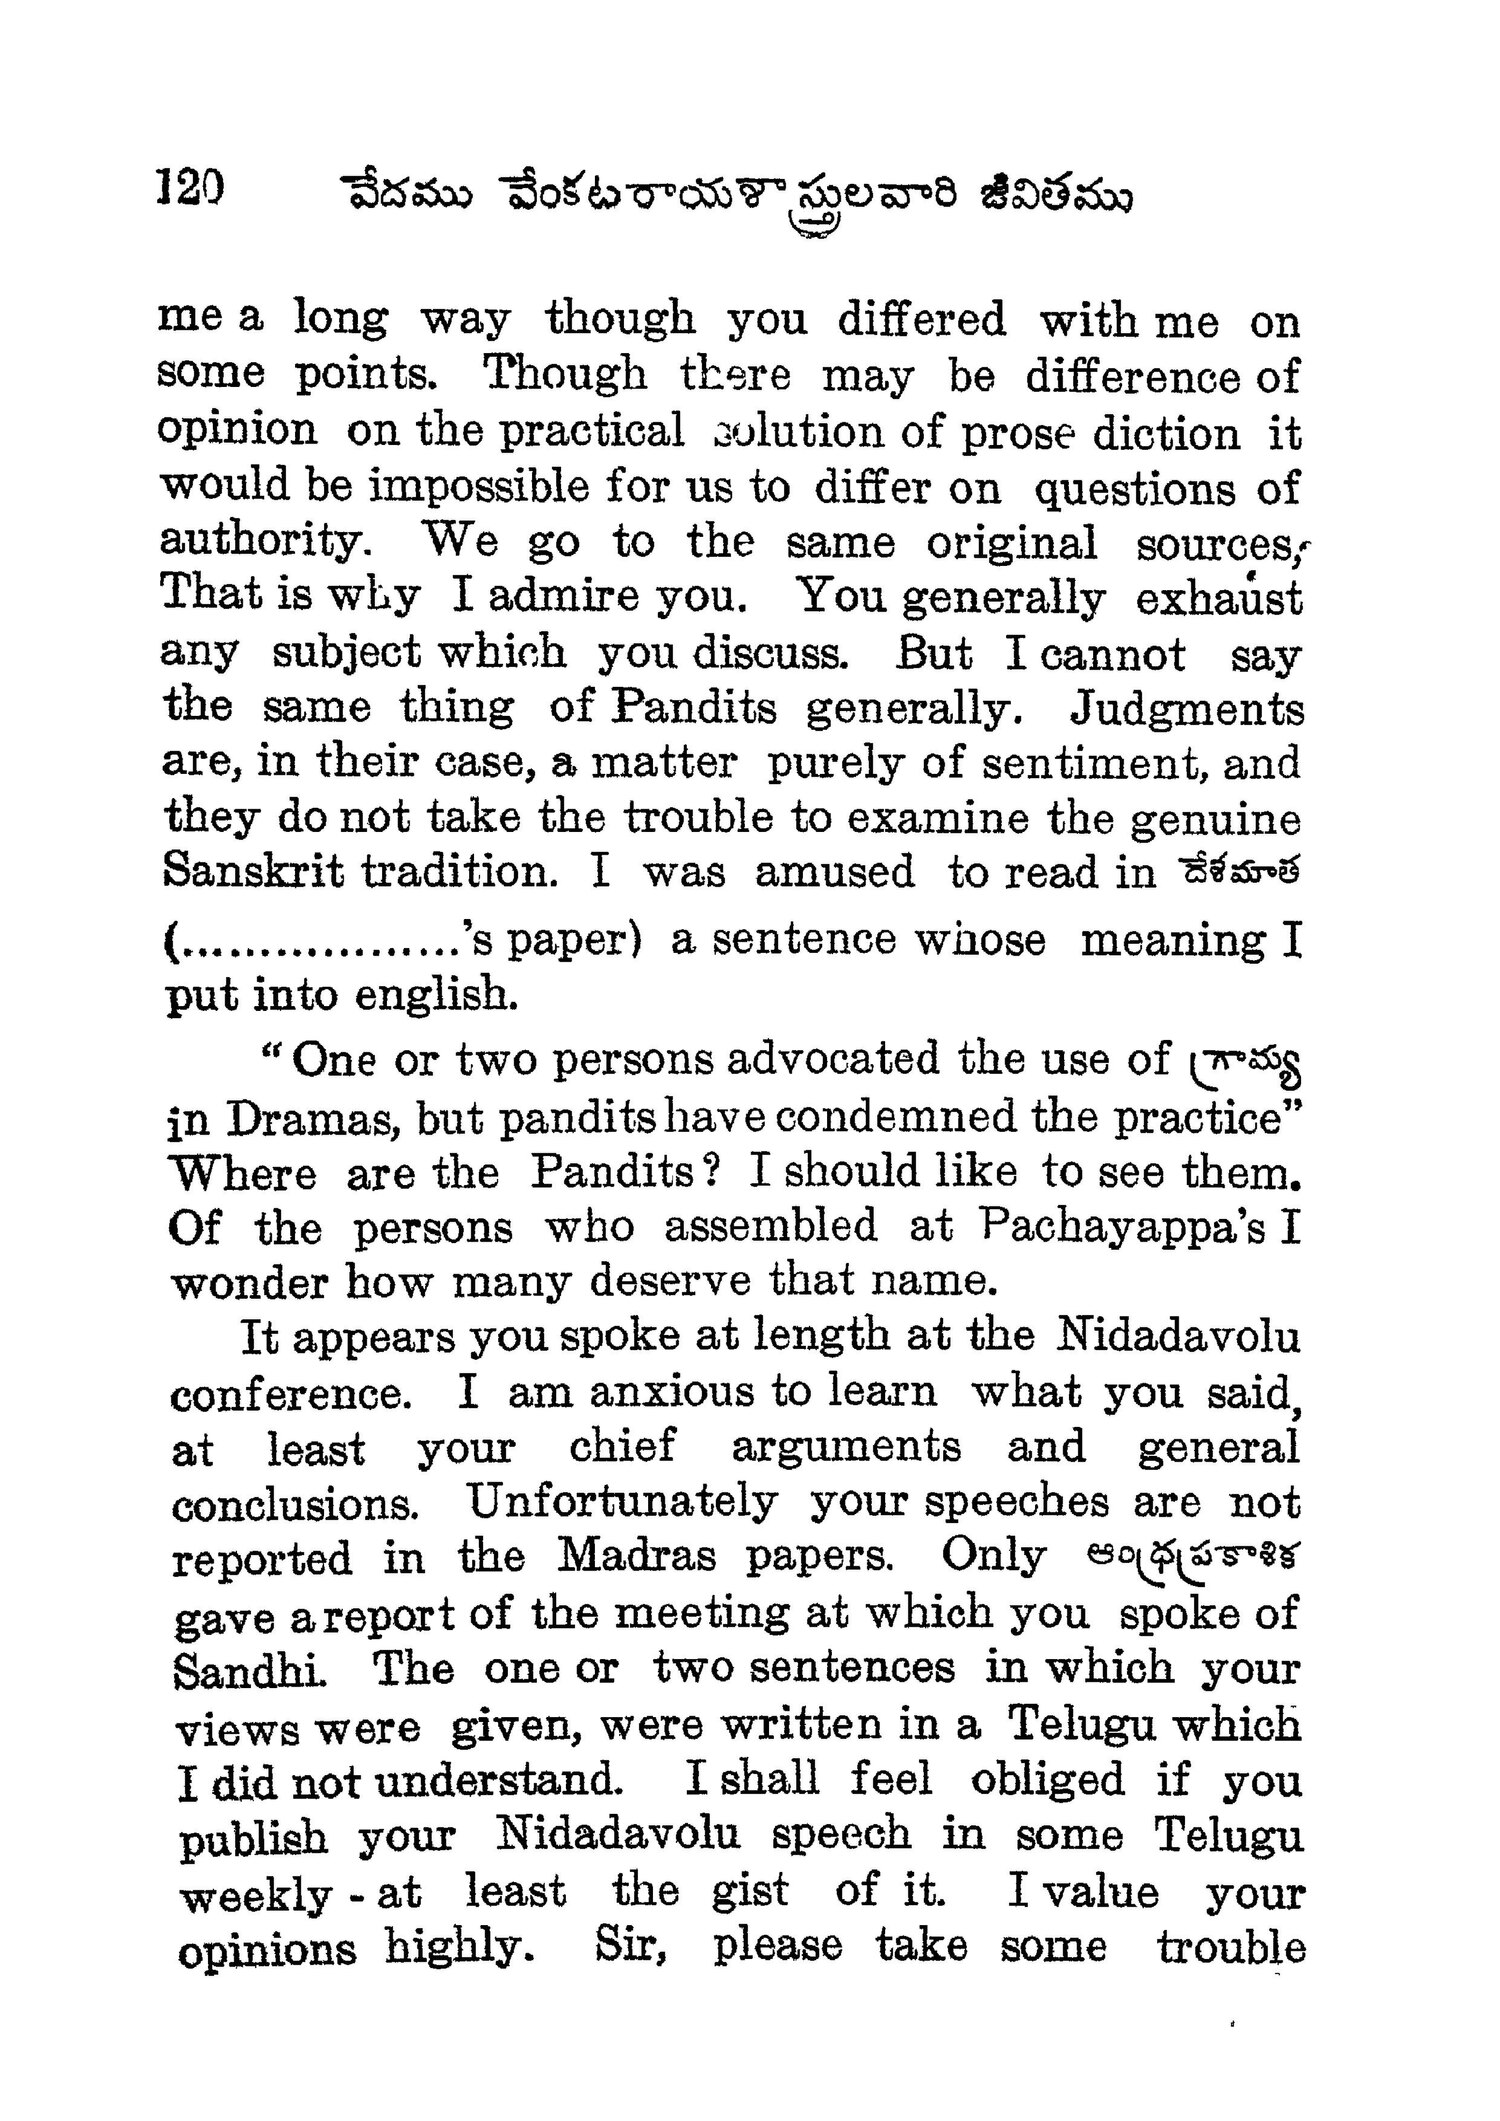me a long way though you differed with me on some points. though there may be difference of opinion on the practical solution of prose diction it would be impossible for us to differ on questions of authority. We go to the same original sourcess; That is Why I admire you. you generally exhaust any subect Which you discuss. But I cannot say the same thing of pandits generally. Judgments are, in their case, a matter purely of sentiment, and they do not take the trouble to examine the genuine Sanskrit tradition. I Was amused to read in దేశమాత (.............'s paper) a sentence whose meaaning I put into english.

"One or two persons advocated the use of గ్రామ్య in dramas, but pandits have condemned the practice" Where are the pandits ? I should like to see them. Of the persons who assembled at pachayappa's I wonder how many deserve that name.

It appears you spoke at the Nidadavolu conference. I am anxious to learn what you said, at leaast your chief arguments and general conclusions. Unfortunately your speeches are not reported in the Madras papers. Only ఆంధ్రప్రకాశిక gave a report of the meeting at which you spoke of Sandhi. The one or two sentences in which your views were given, were written in a Telugu which I did not understand. I shall feel obliged if you publish your Nidadavolu speech in some Telugu weekly - at leaast the gist of it. I value your opinions hihgly. sir, please take some trouble